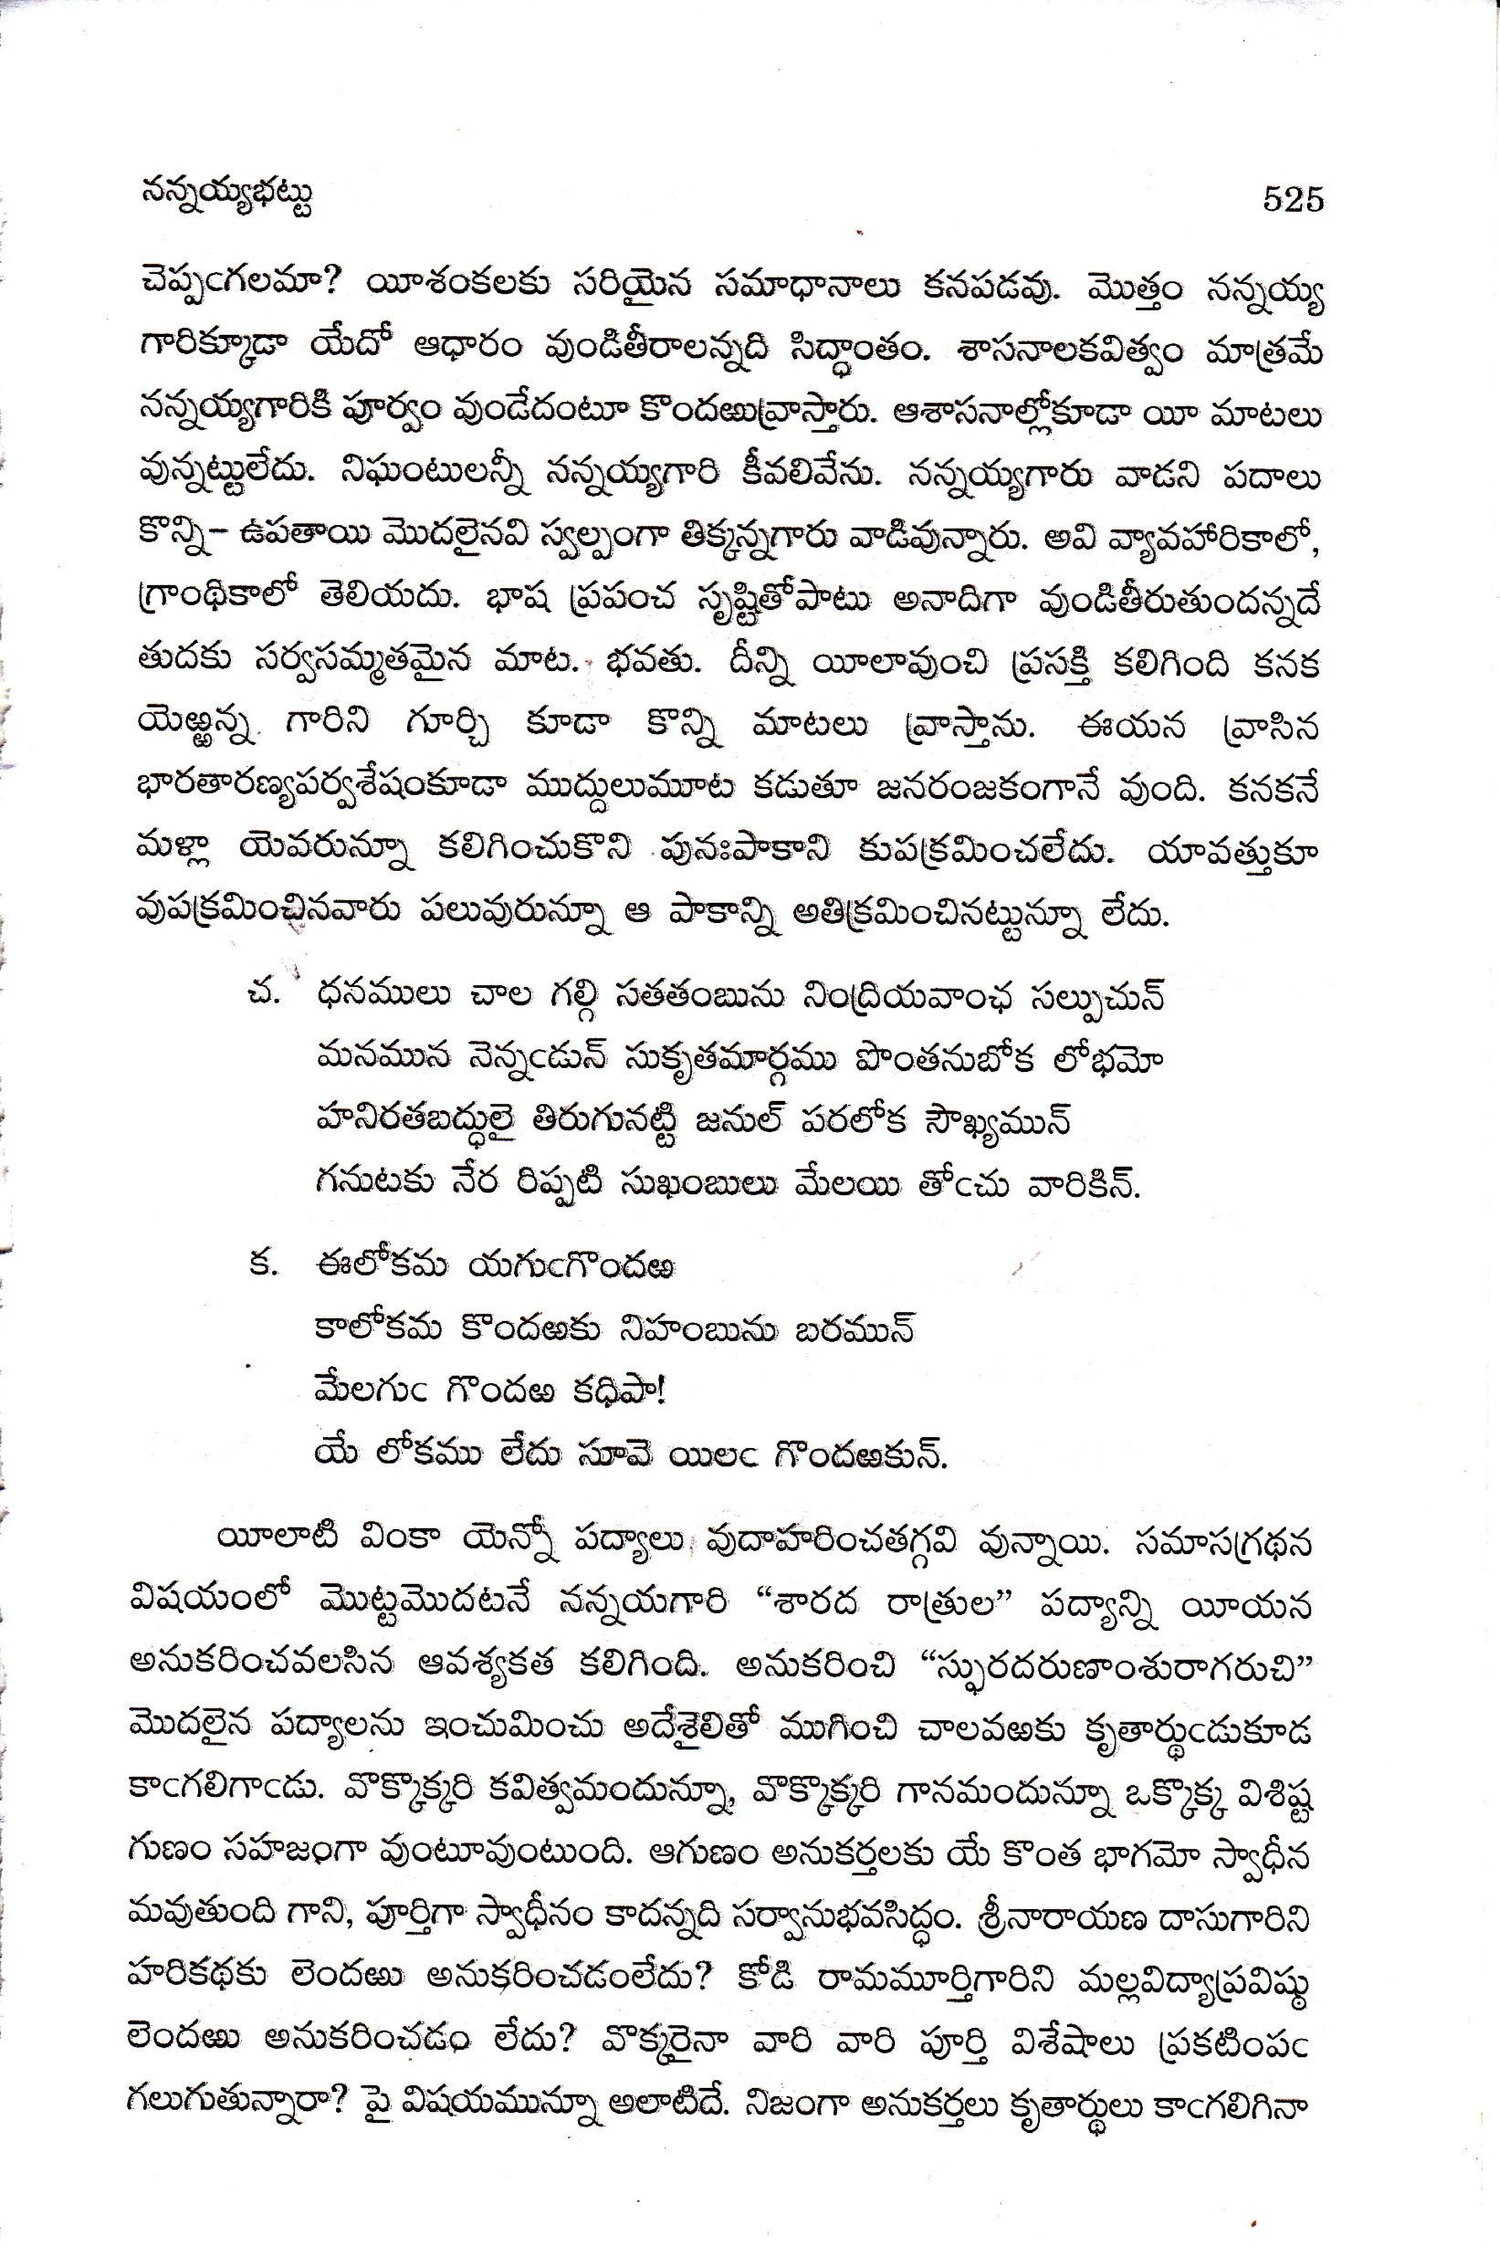చెప్పఁగలమా? యీశంకలకు సరియైన సమాధానాలు కనపడవు. మొత్తం నన్నయ్యగారిక్కూడా యేదో ఆధారం వుండితీరాలన్నది సిద్ధాంతం. శాసనాలకవిత్వం మాత్రమే నన్నయ్యగారికి పూర్వం వుండేదంటూ కొందఱువ్రాస్తారు. ఆశాసనాల్లోకూడా యీ మాటలు వున్నట్టులేదు. నిఘంటులన్నీ నన్నయ్యగారి కీవలివేను. నన్నయ్యగారు వాడని పదాలు కొన్ని- ఉపతాయి మొదలైనవి స్వల్పంగా తిక్కన్నగారు వాడివున్నారు. అవి వ్యావహారికాలో, గ్రాంథికాలో తెలియదు. భాష ప్రపంచ సృష్టితోపాటు అనాదిగా వుండితీరుతుందన్నదే తుదకు సర్వసమ్మతమైన మాట. భవతు. దీన్ని యీలావుంచి ప్రసక్తి కలిగింది కనక యెఱ్ఱన్న గారిని గూర్చి కూడా కొన్ని మాటలు వ్రాస్తాను. ఈయన వ్రాసిన భారతారణ్యపర్వశేషంకూడా ముద్దులుమూట కడుతూ జనరంజకంగానే వుంది. కనకనే మళ్లా యెవరున్నూ కలిగించుకొని పునఃపాకాని కుపక్రమించలేదు. యావత్తుకూ వుపక్రమించినవారు పలువురున్నూ ఆ పాకాన్ని అతిక్రమించినట్టున్నూ లేదు.

చ. ధనములు చాల గల్గి సతతంబును నింద్రియవాంఛ సల్పుచున్ 
 మనమున నెన్నఁడున్ సుకృతమార్గము పొంతనుబోక లోభమో 
 హనిరతబద్దులై తిరుగునట్టి జనుల్ పరలోక సౌఖ్యమున్ 
 గనుటకు నేర రిప్పటి సుఖంబులు మేలయి తోcచు వారికిన్.

క. ఈలోకమ యగుఁగొందఱ
 కాలోకమ కొందఱకు నిహంబును బరమున్ 
 మేలగుఁ గొందఱ కధిపా! 
 యే లోకము లేదు సూవె యిలఁ గొందఱకున్.
యీలాటి వింకా యెన్నో పద్యాలు వుదాహరించతగ్గవి వున్నాయి. సమాసగ్రథన విషయంలో మొట్టమొదటనే నన్నయగారి "శారద రాత్రుల” పద్యాన్ని యీయన అనుకరించవలసిన ఆవశ్యకత కలిగింది. అనుకరించి “స్ఫురదరుణాంశురాగరుచి" మొదలైన పద్యాలను ఇంచుమించు అదేశైలితో ముగించి చాలవఱకు కృతార్థుఁడుకూడ కాఁగలిగాఁడు. వొక్కొక్కరి కవిత్వమందున్నూ వొక్కొక్కరి గానమందున్నూ ఒక్కొక్క విశిష్ట గుణం సహజంగా వుంటూవుంటుంది. ఆగుణం అనుకర్తలకు యే కొంత భాగమో స్వాధీన మవుతుంది గాని, పూర్తిగా స్వాధీనం కాదన్నది సర్వానుభవసిద్ధం. శ్రీనారాయణ దాసుగారిని హరికథకు లెందఱు అనుకరించడంలేదు? కోడి రామమూర్తిగారిని మల్లవిద్యాప్రవిష్ఠు లెందఱు అనుకరించడం లేదు? వొకరైనా వారి వారి పూర్తి విశేషాలు ప్రకటింపఁ గలుగుతున్నారా? పై విషయమున్నూ అలాటిదే. నిజంగా అనుకర్తలు కృతార్థులు కాఁగలిగినా